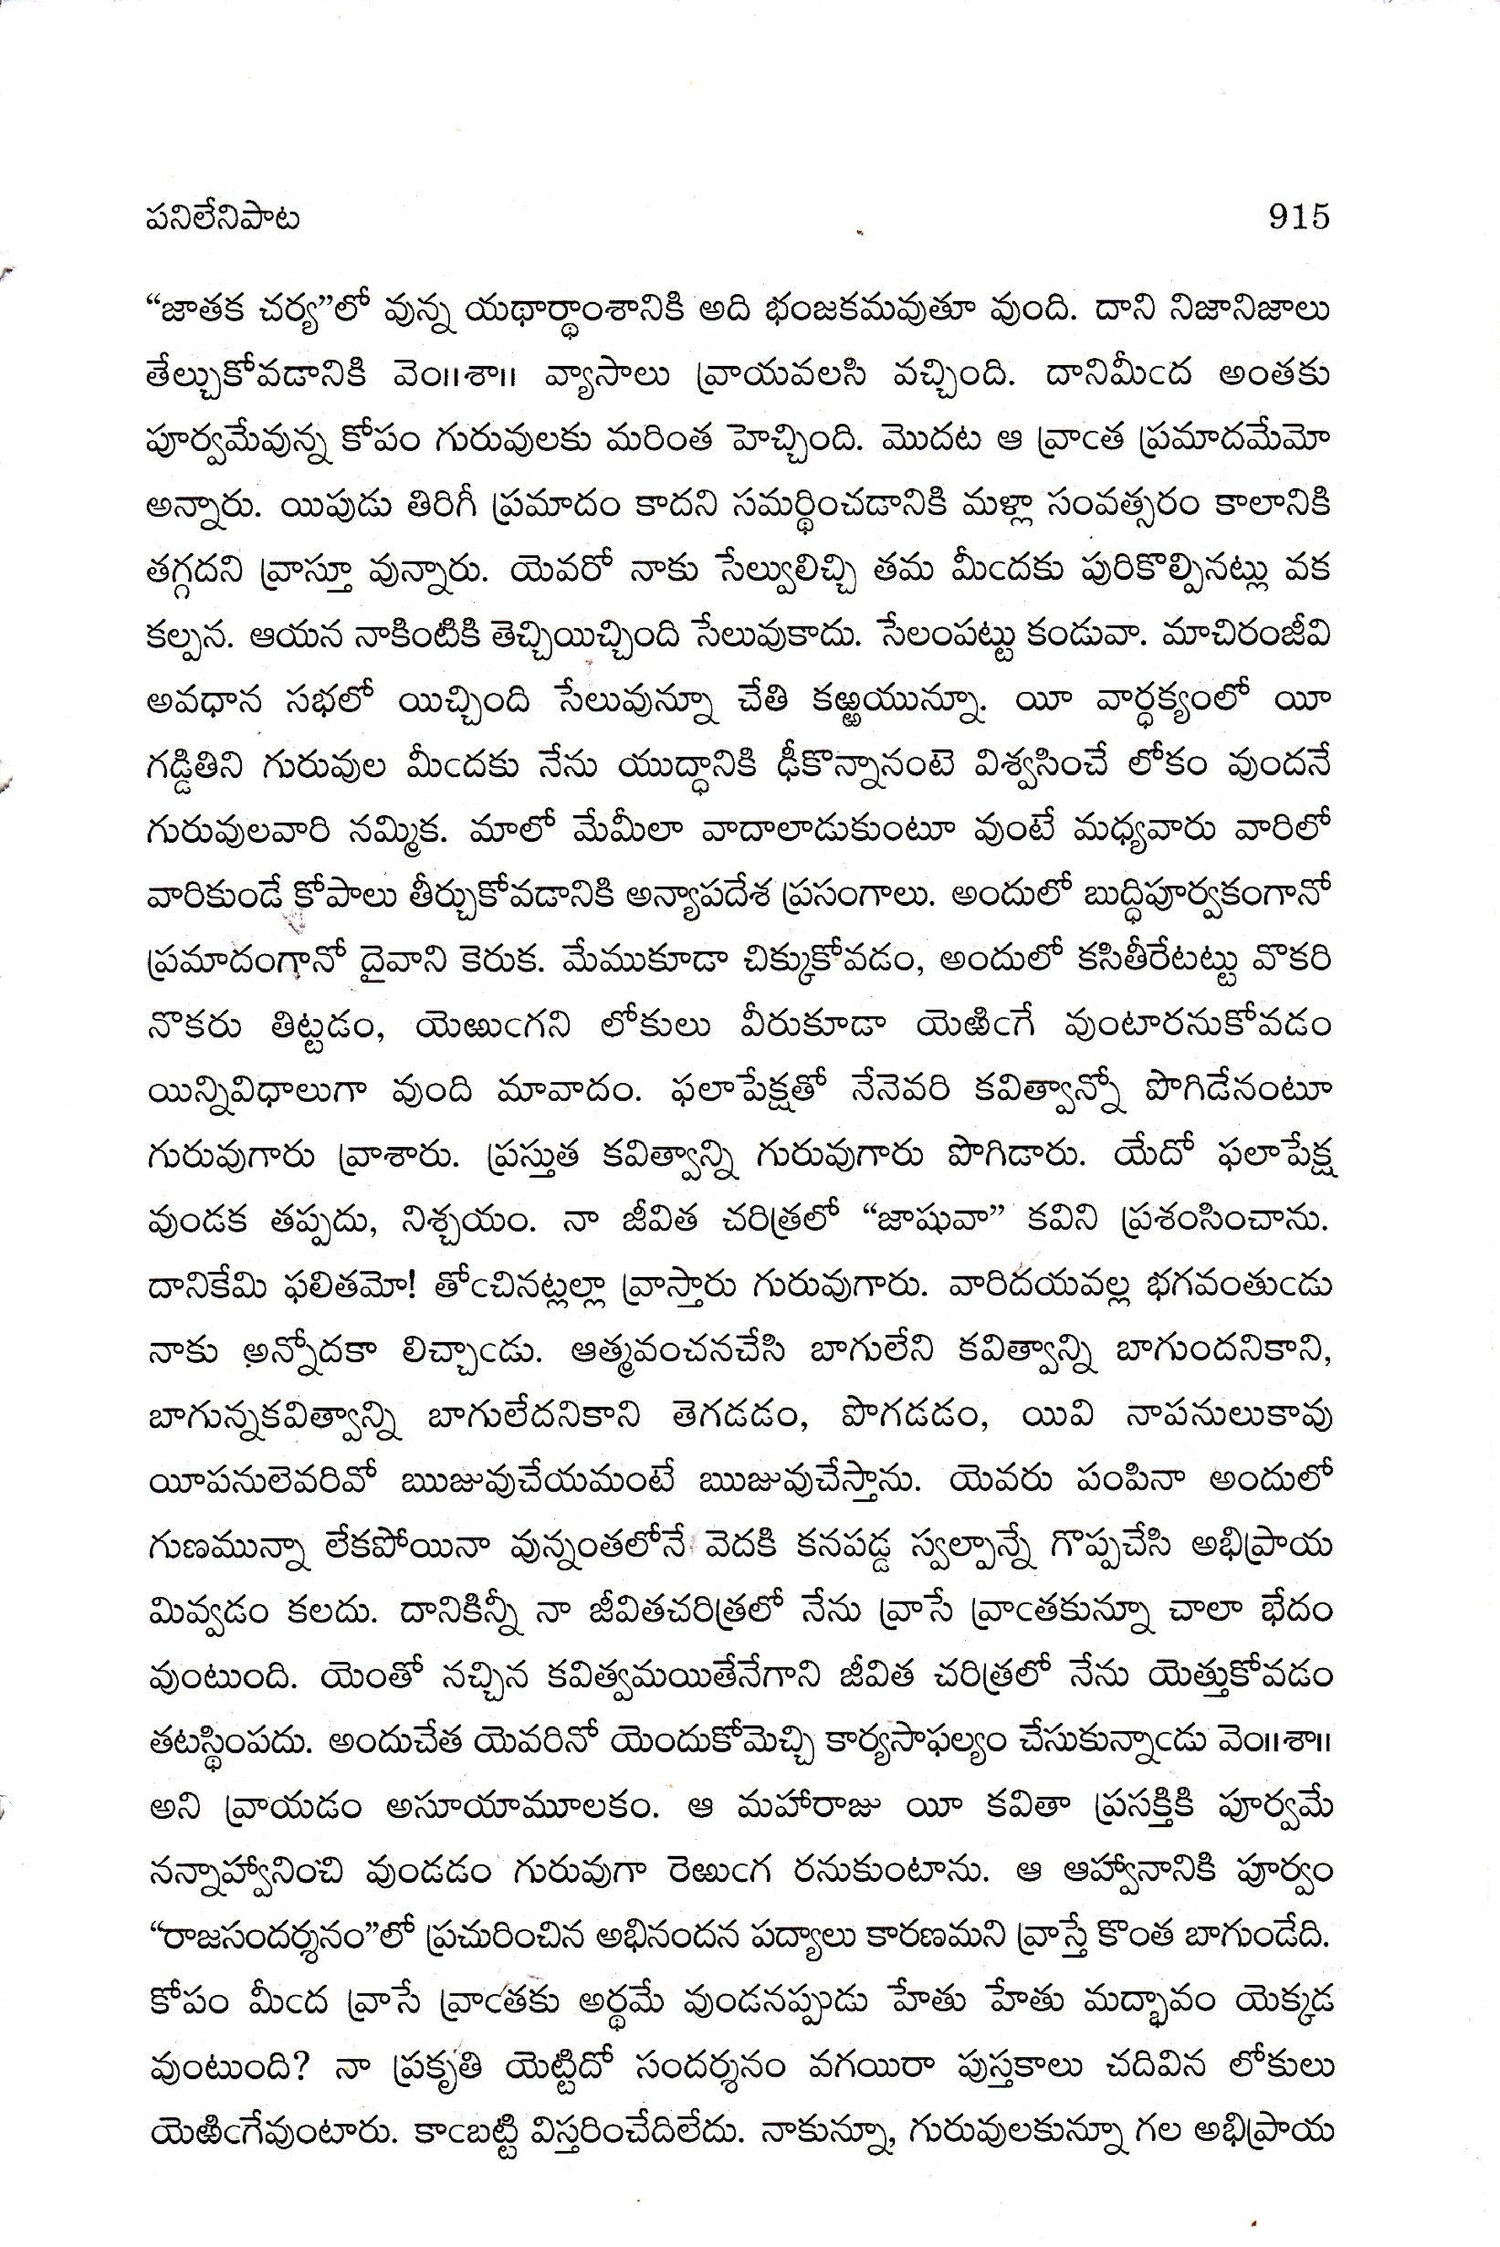"జాతక చర్య"లో వున్న యథార్థాంశానికి అది భంజకమవుతూ వుంది. దాని నిజానిజాలు తేల్చుకోవడానికి వెం||శా|| వ్యాసాలు వ్రాయవలసి వచ్చింది. దానిమీఁద అంతకు పూర్వమేవున్న కోపం గురువులకు మరింత హెచ్చింది. మొదట ఆ వ్రాఁత ప్రమాదమేమో అన్నారు. యిపుడు తిరిగీ ప్రమాదం కాదని సమర్ధించడానికి మళ్లా సంవత్సరం కాలానికి తగ్గదని వ్రాస్తూ వున్నారు. యెవరో నాకు సేల్వులిచ్చి తమ మీఁదకు పురికొల్పినట్లు వక కల్పన. ఆయన నాకింటికి తెచ్చియిచ్చింది సేలువుకాదు. సేలంపట్టు కండువా, మాచిరంజీవి అవధాన సభలో యిచ్చింది సేలువున్నూ చేతి కఱ్ఱయున్నూ యీ వార్ధక్యంలో యీ గడ్డితిని గురువుల మీఁదకు నేను యుద్ధానికి ఢీకొన్నానంటె విశ్వసించే లోకం వుందనే గురువులవారి నమ్మిక. మాలో మేమీలా వాదాలాడుకుంటూ వుంటే మధ్యవారు వారిలో వారికుండే కోపాలు తీర్చుకోవడానికి అన్యాపదేశ ప్రసంగాలు. అందులో బుద్ధిపూర్వకంగానో ప్రమాదంగానో దైవాని కెరుక. మేముకూడా చిక్కుకోవడం, అందులో కసితీరేటట్టు వొకరి నొకరు తిట్టడం. యెఱుఁగని లోకులు వీరుకూడా యెఱిఁగే వుంటారనుకోవడం యిన్నివిధాలుగా వుంది మావాదం. ఫలాపేక్షతో నేనెవరి కవిత్వాన్నో పొగిడేనంటూ గురువుగారు వ్రాశారు. ప్రస్తుత కవిత్వాన్ని గురువుగారు పొగిడారు. యేదో ఫలాపేక్ష వుండక తప్పదు, నిశ్చయం. నా జీవిత చరిత్రలో “జాషువా" కవిని ప్రశంసించాను. దానికేమి ఫలితమో! తోఁచినట్లల్లా వ్రాస్తారు గురువుగారు. వారిదయవల్ల భగవంతుఁడు నాకు అన్నోదకా లిచ్చాఁడు. ఆత్మవంచనచేసి బాగులేని కవిత్వాన్ని బాగుందనికాని, బాగున్నకవిత్వాన్ని బాగులేదనికాని తెగడడం, పొగడడం, యివి నాపనులుకావు యీ పనులెవరివో ఋజువుచేయమంటే ఋజువుచేస్తాను. యెవరు పంపినా అందులో గుణమున్నా లేకపోయినా వున్నంతలోనే వెదకి కనపడ్డ స్వల్పాన్నే గొప్పచేసి అభిప్రాయ మివ్వడం కలదు. దానికిన్నీ నా జీవితచరిత్రలో నేను వ్రాసే వ్రాఁతకున్నూ చాలా భేదం వుంటుంది. యెంతో నచ్చిన కవిత్వమయితేనేగాని జీవిత చరిత్రలో నేను యెత్తుకోవడం తటస్థింపదు. అందుచేత యెవరినో యెందుకోమెచ్చి కార్యసాఫల్యం చేసుకున్నాఁడు వెం||శా|| అని వ్రాయడం అసూయామూలకం. ఆ మహారాజు యీ కవితా ప్రసక్తికి పూర్వమే నన్నాహ్వానించి వుండడం గురువుగా రెఱుఁగ రనుకుంటాను. ఆ ఆహ్వానానికి పూర్వం "రాజసందర్శనం"లో ప్రచురించిన అభినందన పద్యాలు కారణమని వ్రాస్తే కొంత బాగుండేది. కోపం మీఁద వ్రాసే వ్రాఁతకు అర్థమే వుండనప్పుడు హేతు హేతు మద్భావం యెక్కడ వుంటుంది? నా ప్రకృతి యెట్టిదో సందర్శనం వగయిరా పుస్తకాలు చదివిన లోకులు యెఱిఁగేవుంటారు. కాఁబట్టి విస్తరించేదిలేదు. నాకున్నూ గురువులకున్నూ గల అభిప్రాయ